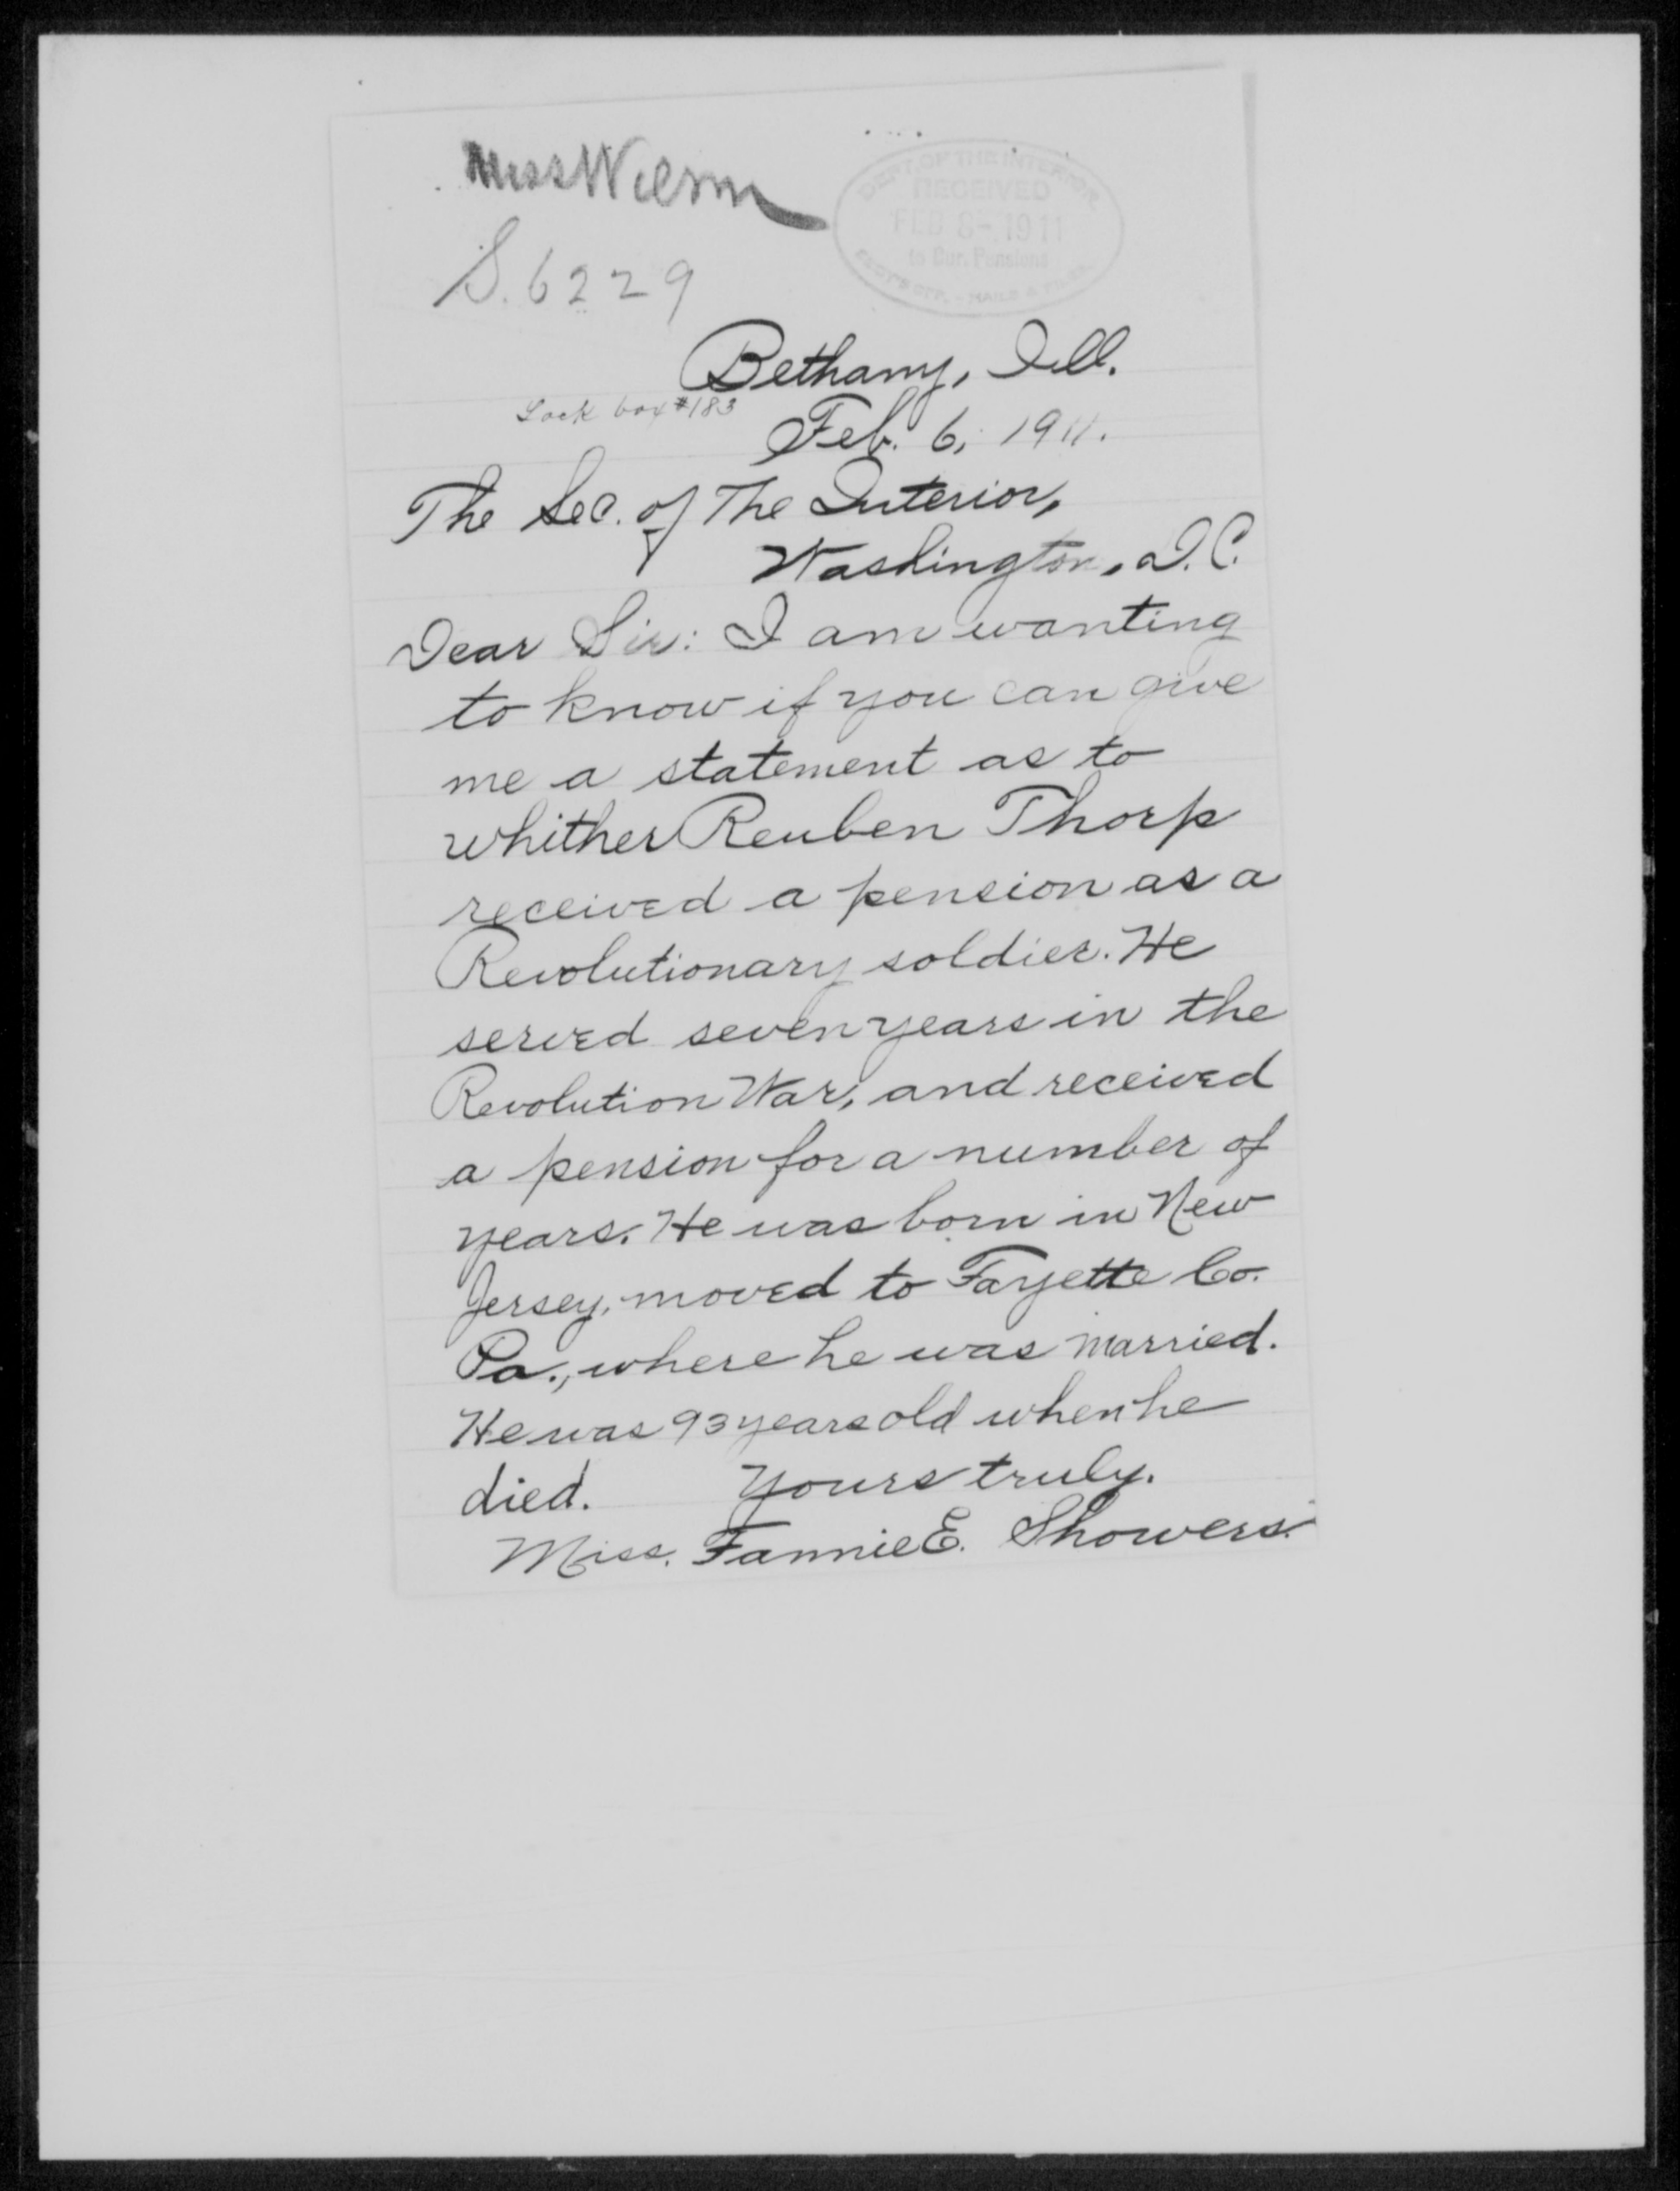Miss Wilm
S.6229
Bethany, Ill.
Lock box #183
Feb. 6, 1911
The Sec. of the Interior,
Washington, D.C.
Dear Sir: I am wanting
to know if you can give
me a statement as to
whither Reuben Thorp
received a pension as a
Revolutionary soldier. He
served seven years in the
Revolution War, and received
a pension for a number of
years. He was born in New 
Jersey, moved to Fayette Co.
Pa. where he was married.
He was 93 years old when he
died
Yours truly,
Miss. Fannie E. Showers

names: Reuben Thorp; Fannie E Showers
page: 25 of 28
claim: survivor's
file: S. 6229, for Reuben Thorp, New Jersey